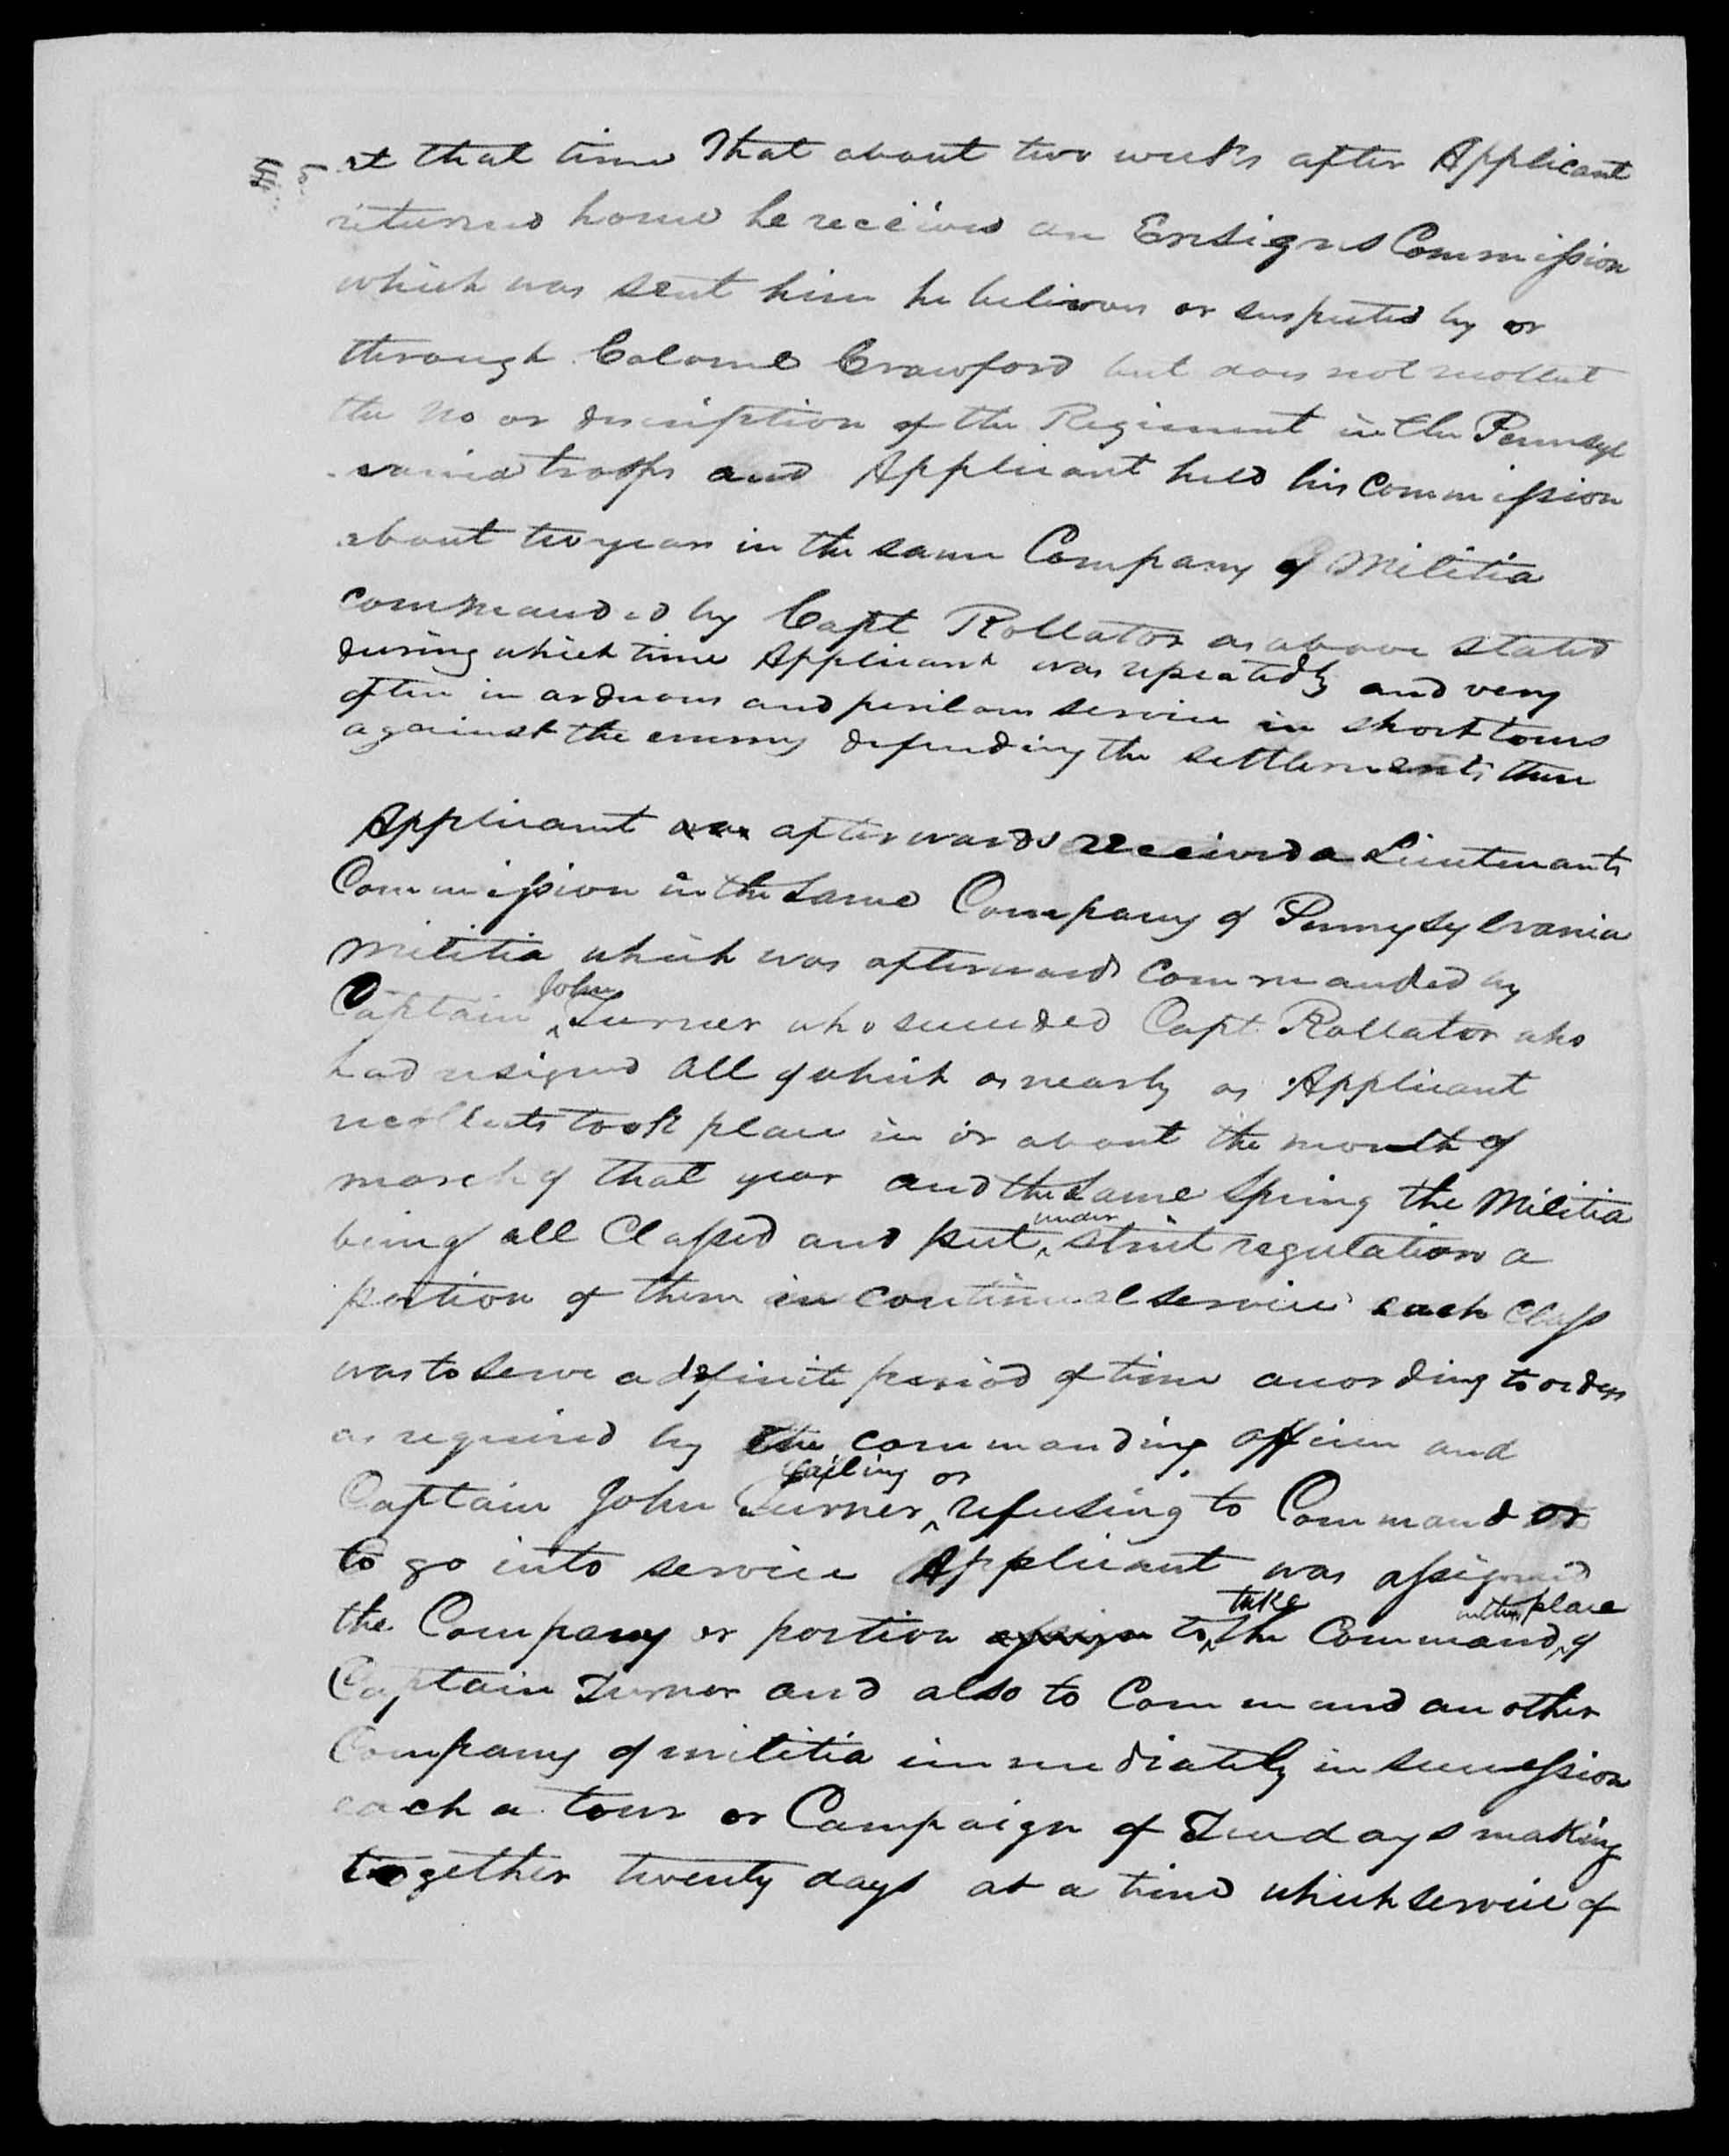5
at that time That about two weeks after Applicant returned home he received an Ensigns Commission which was sent him he believed or suspected by or through colonel Crawford but does not recollect the no or description of the Regiment in the Pennsylvania troops and Applicant had his commission about two years in the same Company or Militias commanded by Capt Rollator as above stated during which time Applicant was repeatedly and very often in arduous and perilous service in short tours against the enemy defending the settlement there
Applicant afterwards received a Lieutenants Commission in the same Company of Pennsylvania militia which was afterwards commanded by Captain John Turner who succeeded Capt Rollator who had resigned  All of which or nearly as Applicant recollects took place in or about the month of march of that year and the same Spring the Militia being all Classes and put under strict regulation a portion of them in continual service each class was to serve a definite period of time according to orders as required by the commanding officer and Captain John Turner ailing or refusing to Command or to go into service  Applicant was assigned the Company as portion {position} to take the Command in the place of Captain Turner and also to Command another Company of militia immediately in succession each a tour or Campaign of Ten days making together twenty days at a time which service of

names: Turner, John Turner, Crawford, Rollator, Rollator, John Turner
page: 8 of 36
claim: survivor's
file: S. 31,718, James Guffey, Penn.